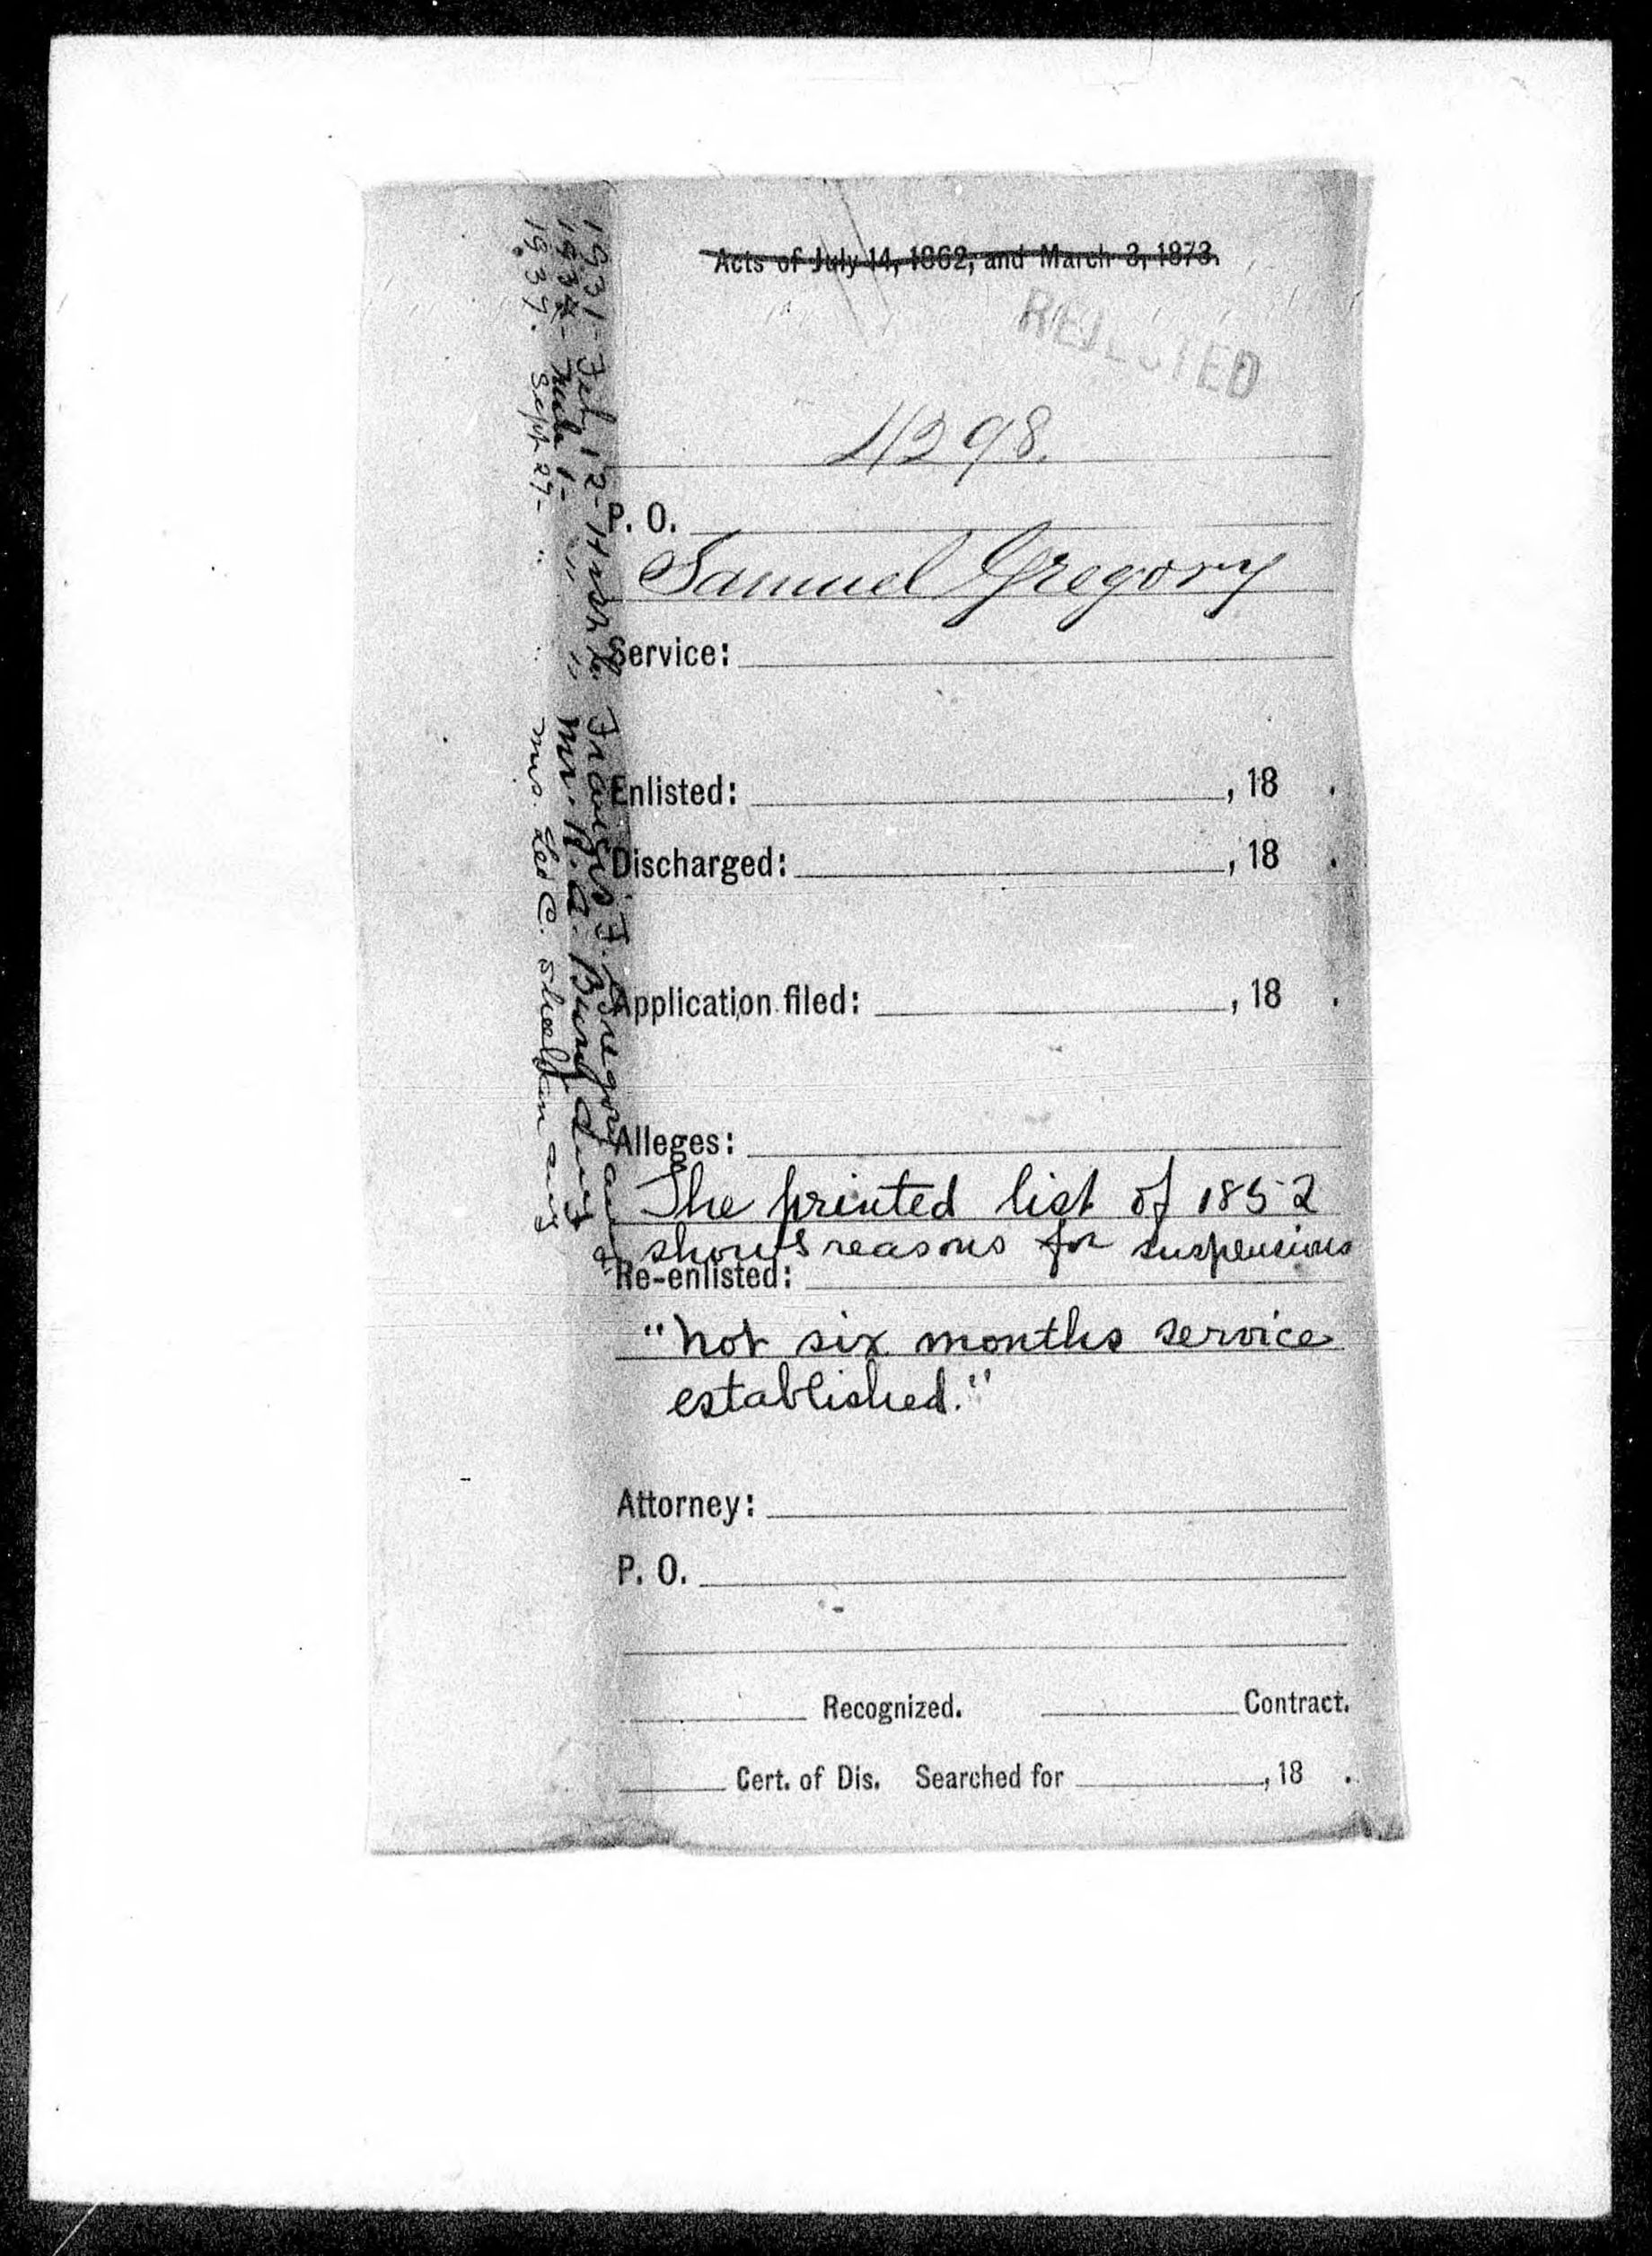[stamp] REJECTED

11298

P.O. Samuel Gregory

Service: [date blank]
Enlisted:[date blank]
Discharged:[date blank]
Application Filed:[date blank]

Alleges:  The printed list of 1852 shows reason for suspicions

Re-Enlisted: "Not six months service established."

Attorney:

P.O.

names: Francis F Gregory, R A Bury, Samuel Gregory, Leo C Sheehan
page: 31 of 66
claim: rejected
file: R. 4298, Samuel Gregory, New York